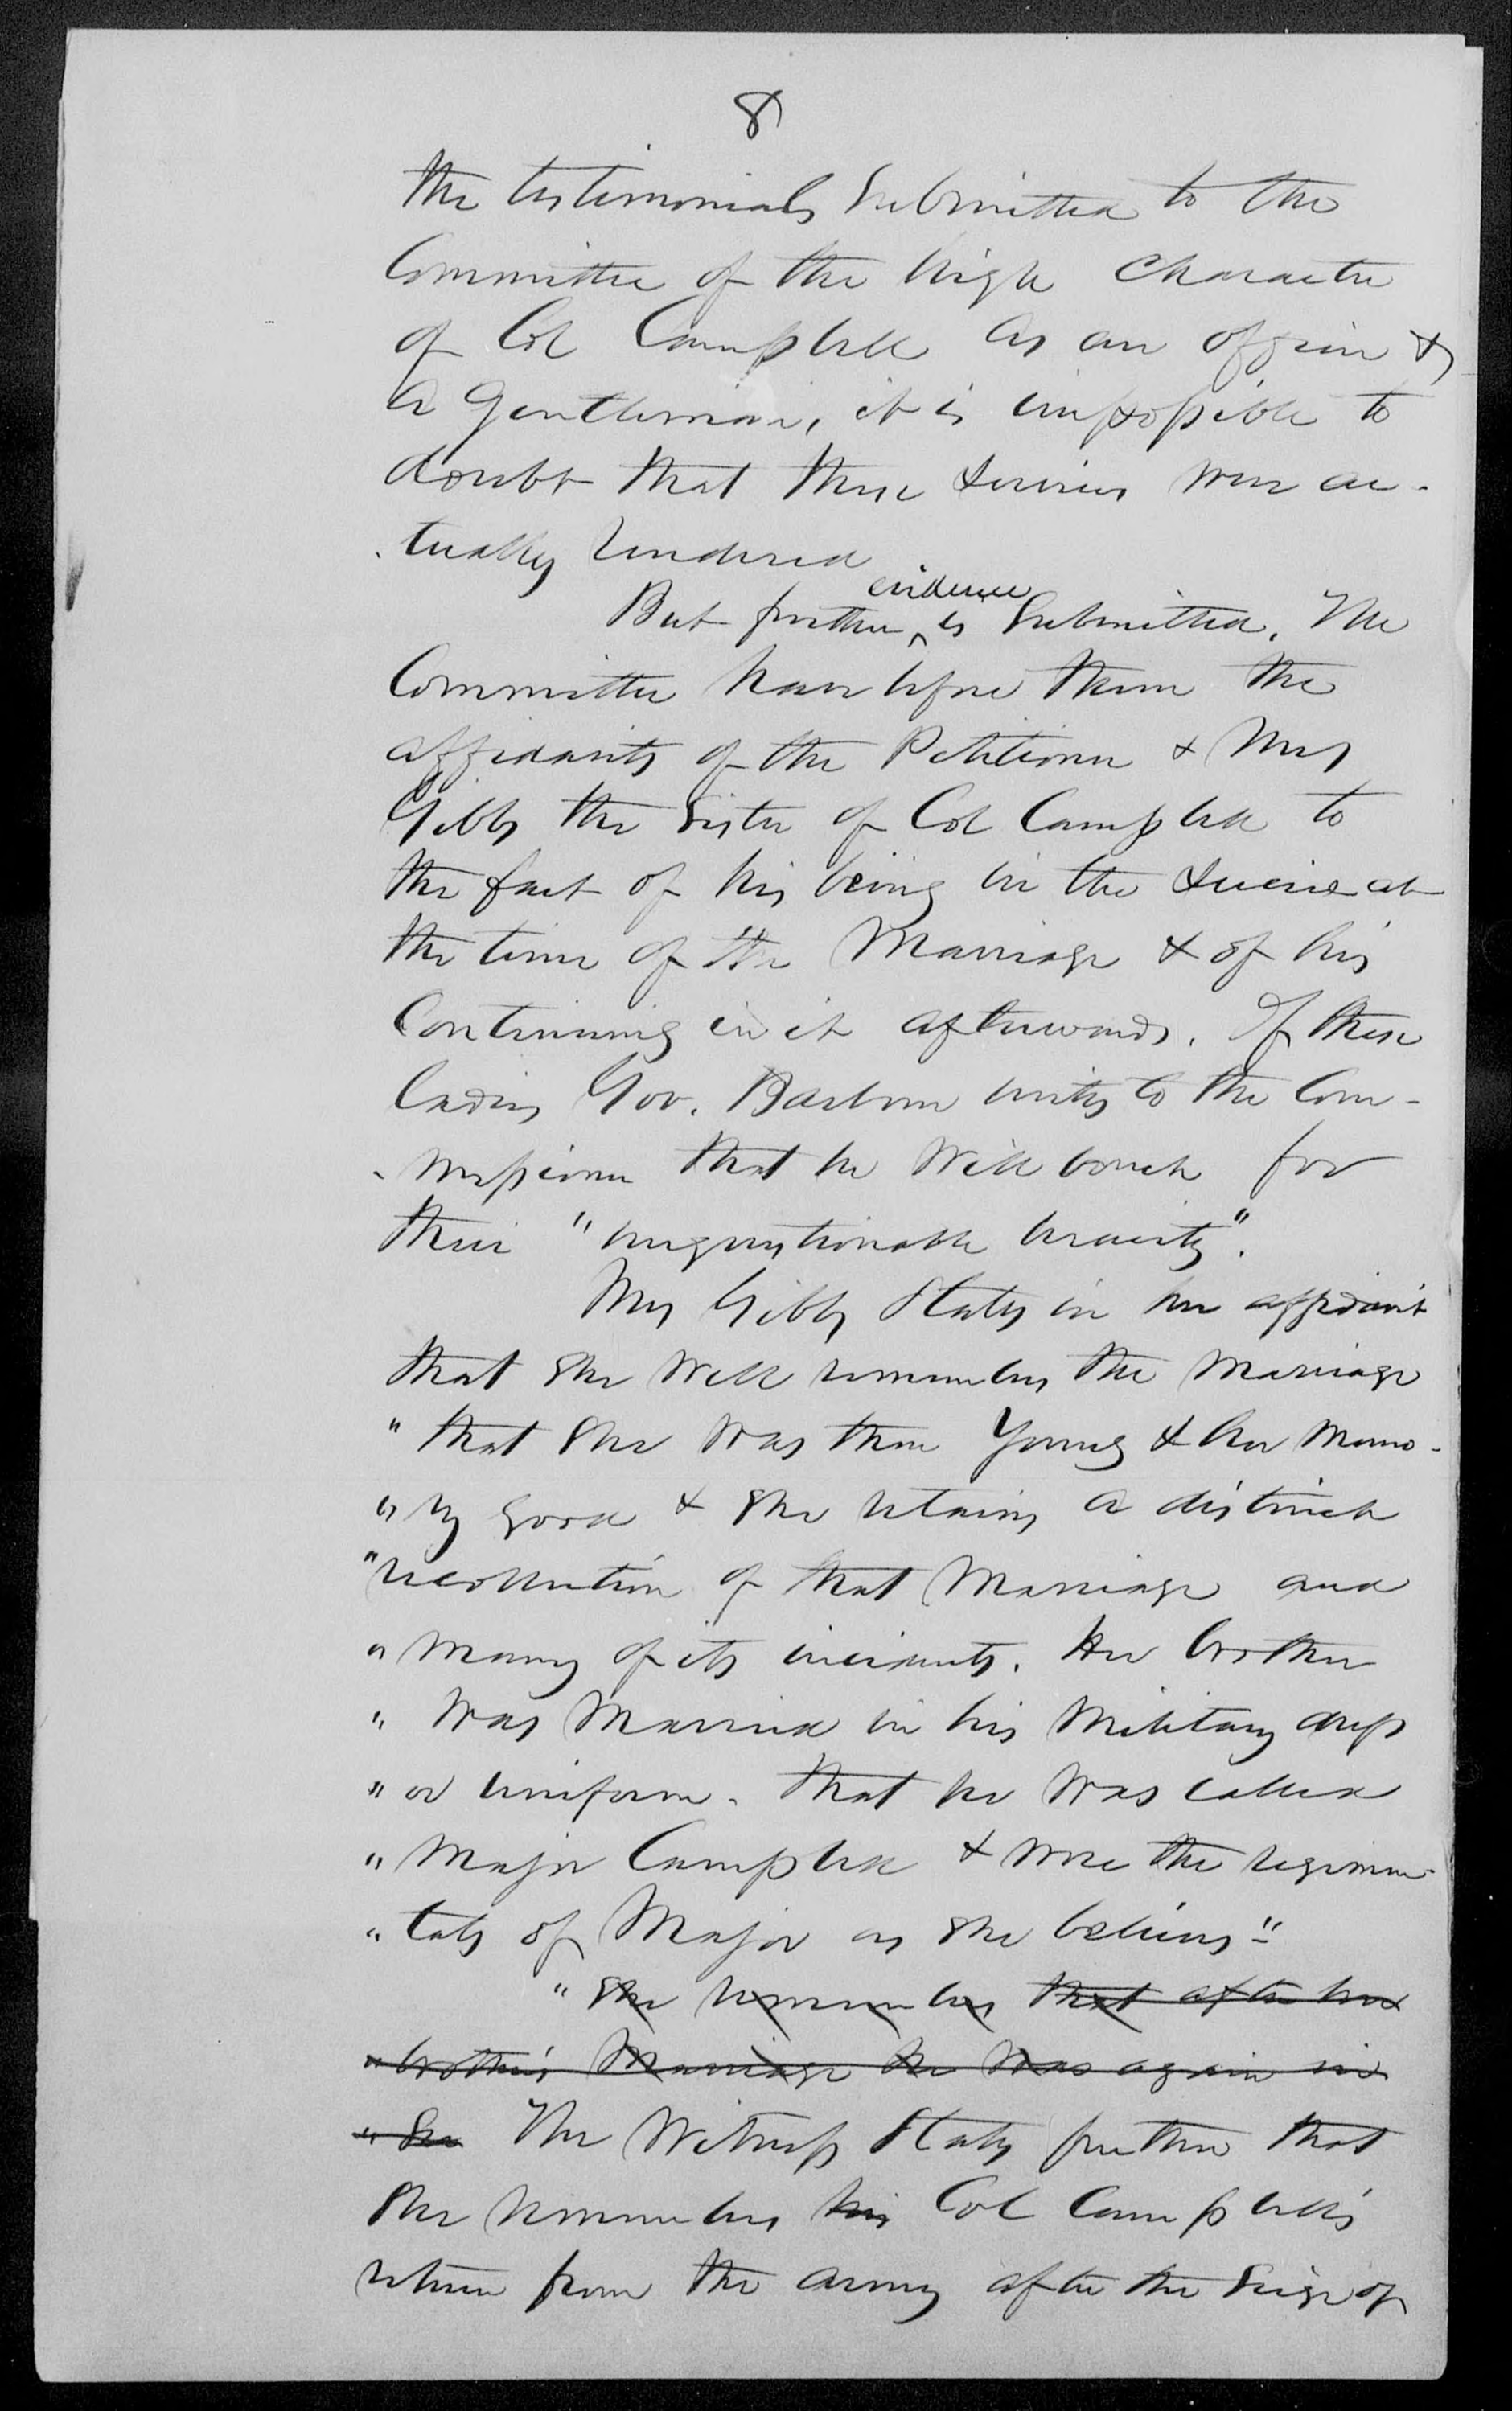8
the testimonials submitted to the Committee of the high character of Col Campbell as an officer & a gentleman, it is impossible to doubt that these services were actually rendered.
But further evidence submitted, The Committee have before them the affidavits of the Petitioner & Mrs Gibbs the Sister of Col Campbell to the fact of his being in the Service at the time of the Marriage & of his continuing in it afterwards.  Of these ladies Gov. Barbour writes to the Commission that he will vouch for their "unquestionable honesty."
Mrs Gibbs states in her affidavit that she well remembers the marriage "that she was then Young & her memory good & she retains a distinct recollection of that Marriage and many of its [?]. Her brother was married in his Military dress or uniform, that he was called Major Campbell & wore the regimentals of Major as she believes."
[marked out: She remembers that after her brother's Marriage she was again in] The Witness states further that she remembers [marked out: his] Col Campbell's return from the army after the siege of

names: Campbell, Campbell, Campbell, Campbell, Wm, Gibbs, Gibbs, Barbour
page: 256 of 267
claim: widow's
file: W. 4,149, William Campbell, Va.